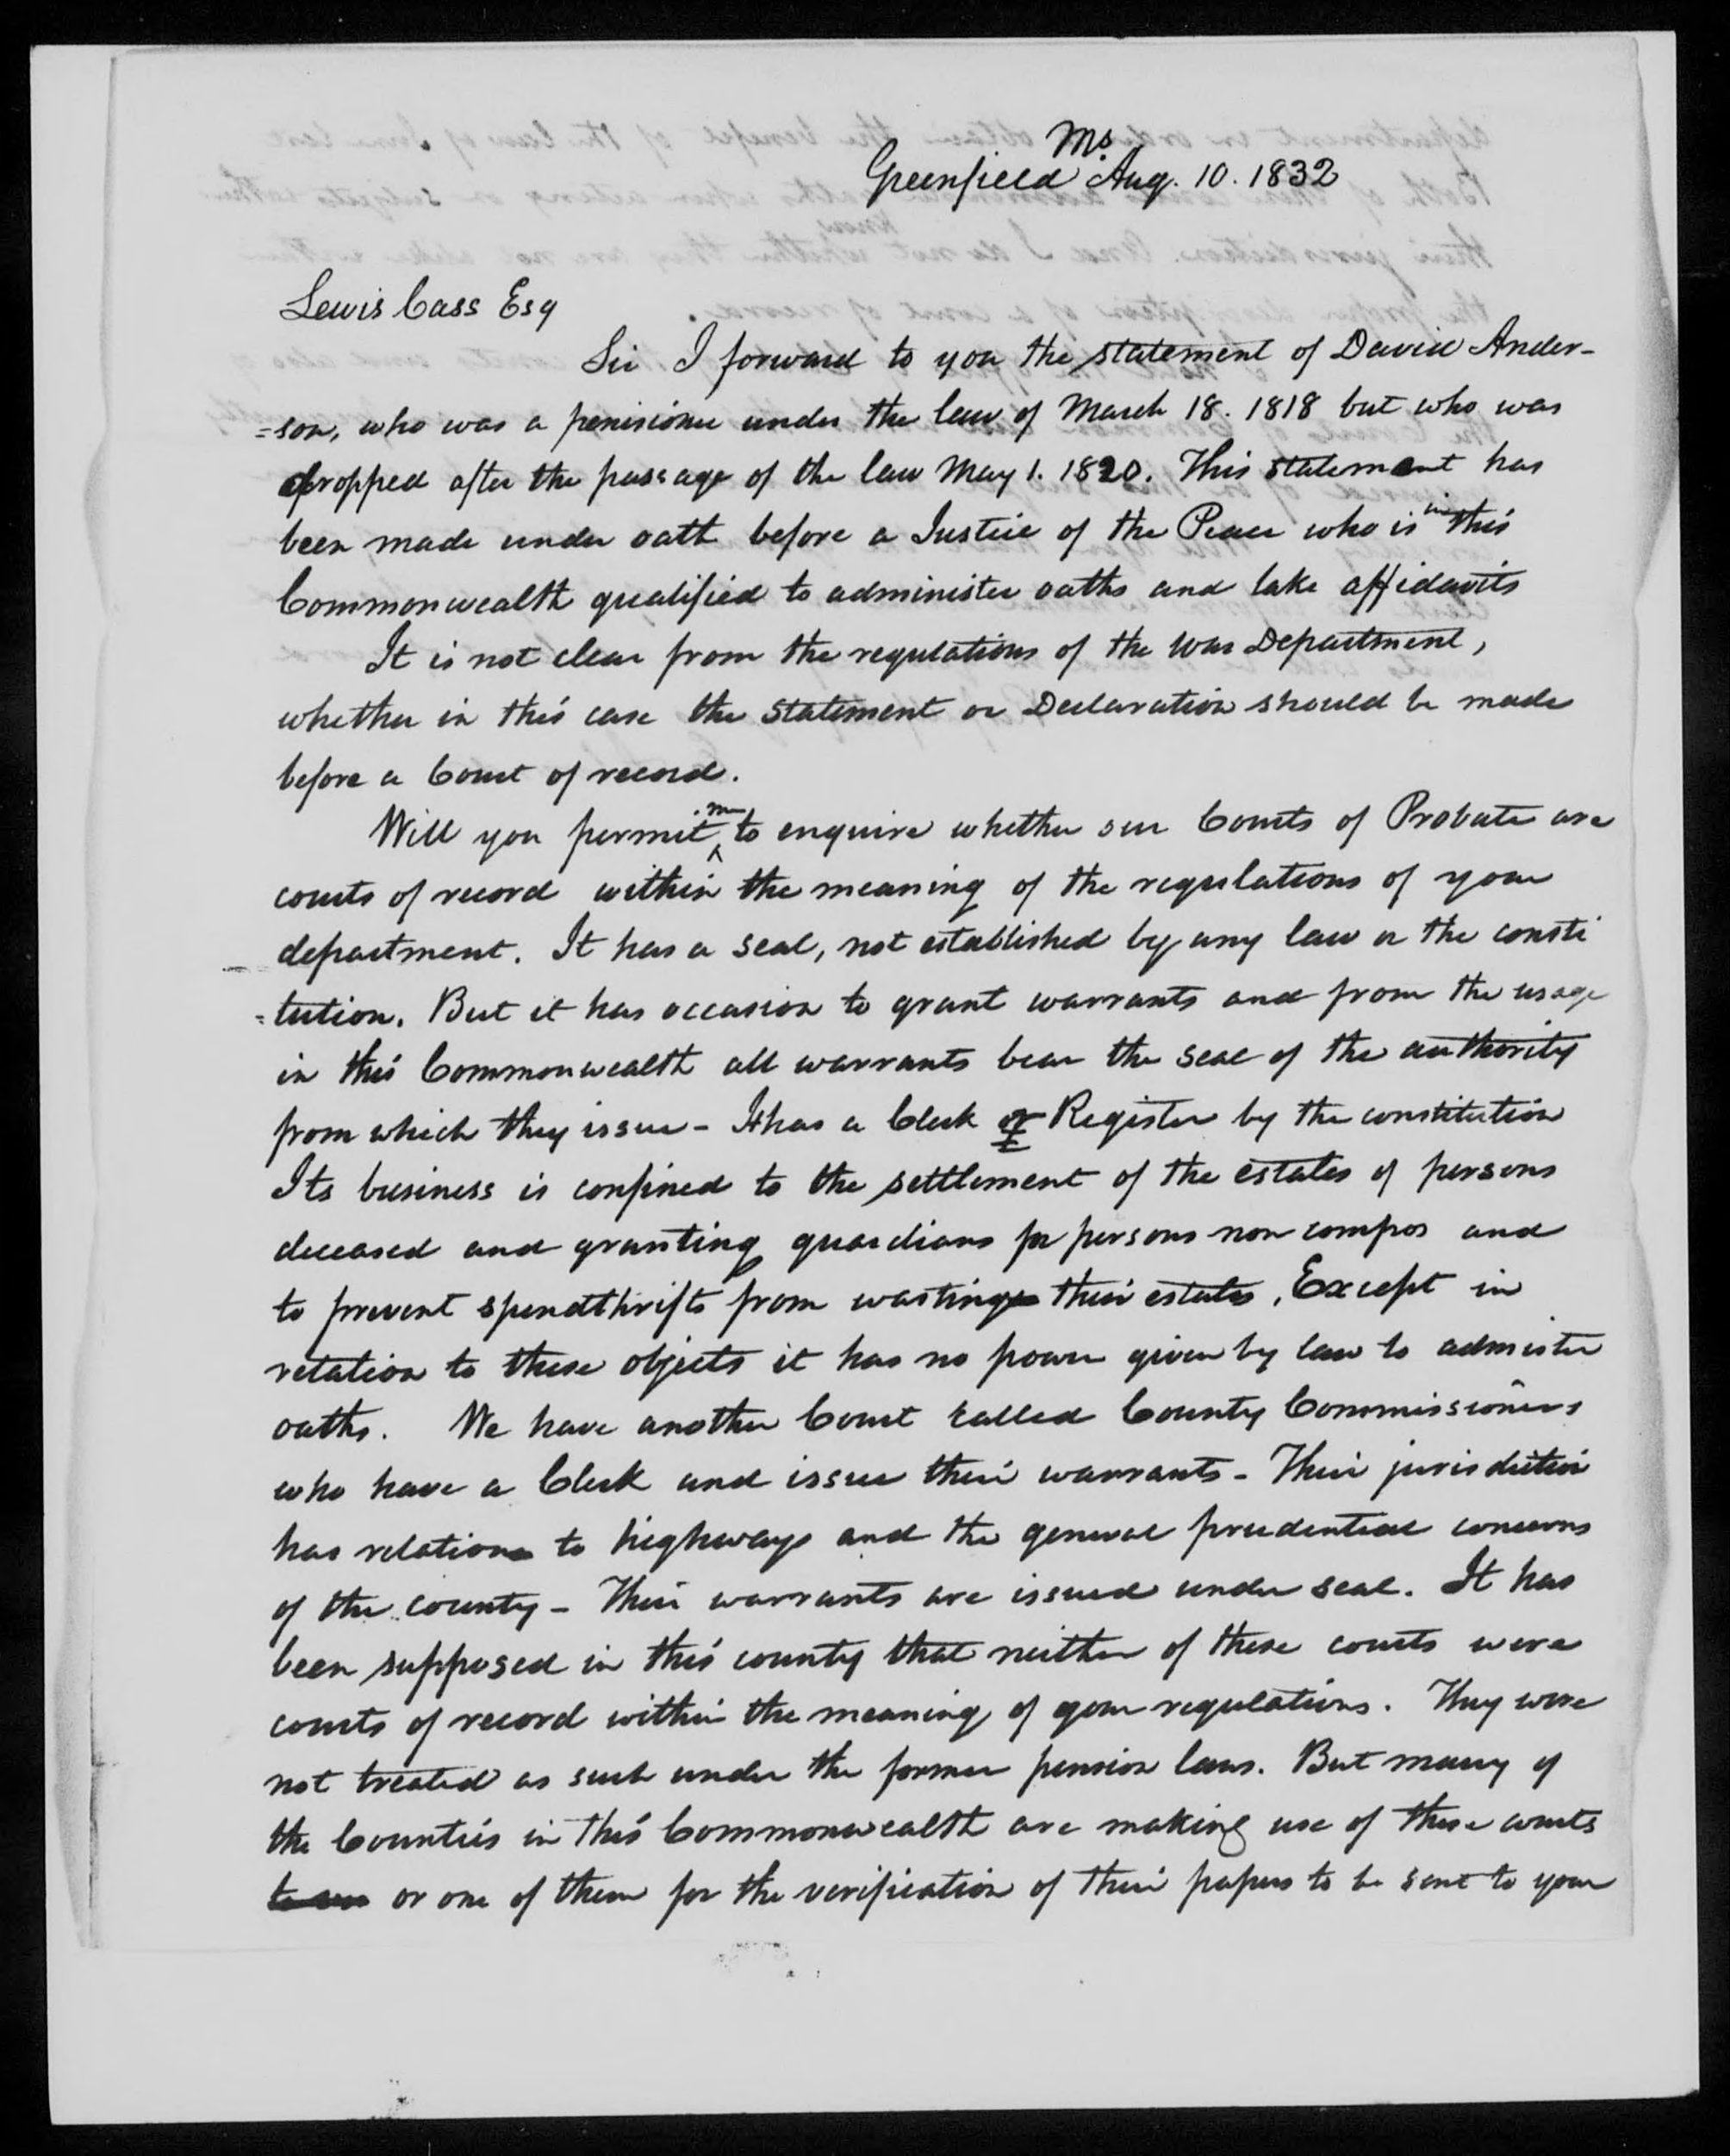Greenfield Ms Aug. 10. 1832

Lewis Cass Esq
Sir I forward to you the statement of David Anderson,
who was a pensioner under the law of March 18. 1818 but who was
dropped after the passage of the law May 1, 1820. This statement has
been made under oath before a Justice of the Peace who is this
Commonwealth qualified to administer oaths and take affidavits
It is not clear from the regulations of the war Department,
whether in this case the statement or Declaration should be made
before a Court of record.
Will you permit me to enquire whether our Courts of Probate are
courts of record within the meaning of the regulations of your
department. It has a seal, not established by any law or the constitution. 
But it has occasion to grant warrants and from the usage
in this Commonwealth all warrants bear the seal of the authority
from which they issue-- has a Clerk Register by the constitution
Its business is confined to the settlement of the estates of persons
deceased and granting guardians for persons non compos and
to prevent spendthrifts from wasting their estates, Except in
relation to these objects it has no power given by law to admister
oaths. We have another Court called County Commissioners
who have a Clerk and issue their warrants. Their jurisdiction
has relation to highways and the general prudential concerns
of the County. Their warrants are issued under seal. It has
been supposed in this county that neither of these courts were
courts of record within the meaning of your regulations. They were
not treated as such under the former pension laws. But many of
the Counties in this Commonwealth are making use of these went
or one of them for the verification of their papers to be sent to your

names: David Anderson, Lewis Cass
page: 34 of 39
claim: widow's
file: W. 20624, David Anderson, Mass